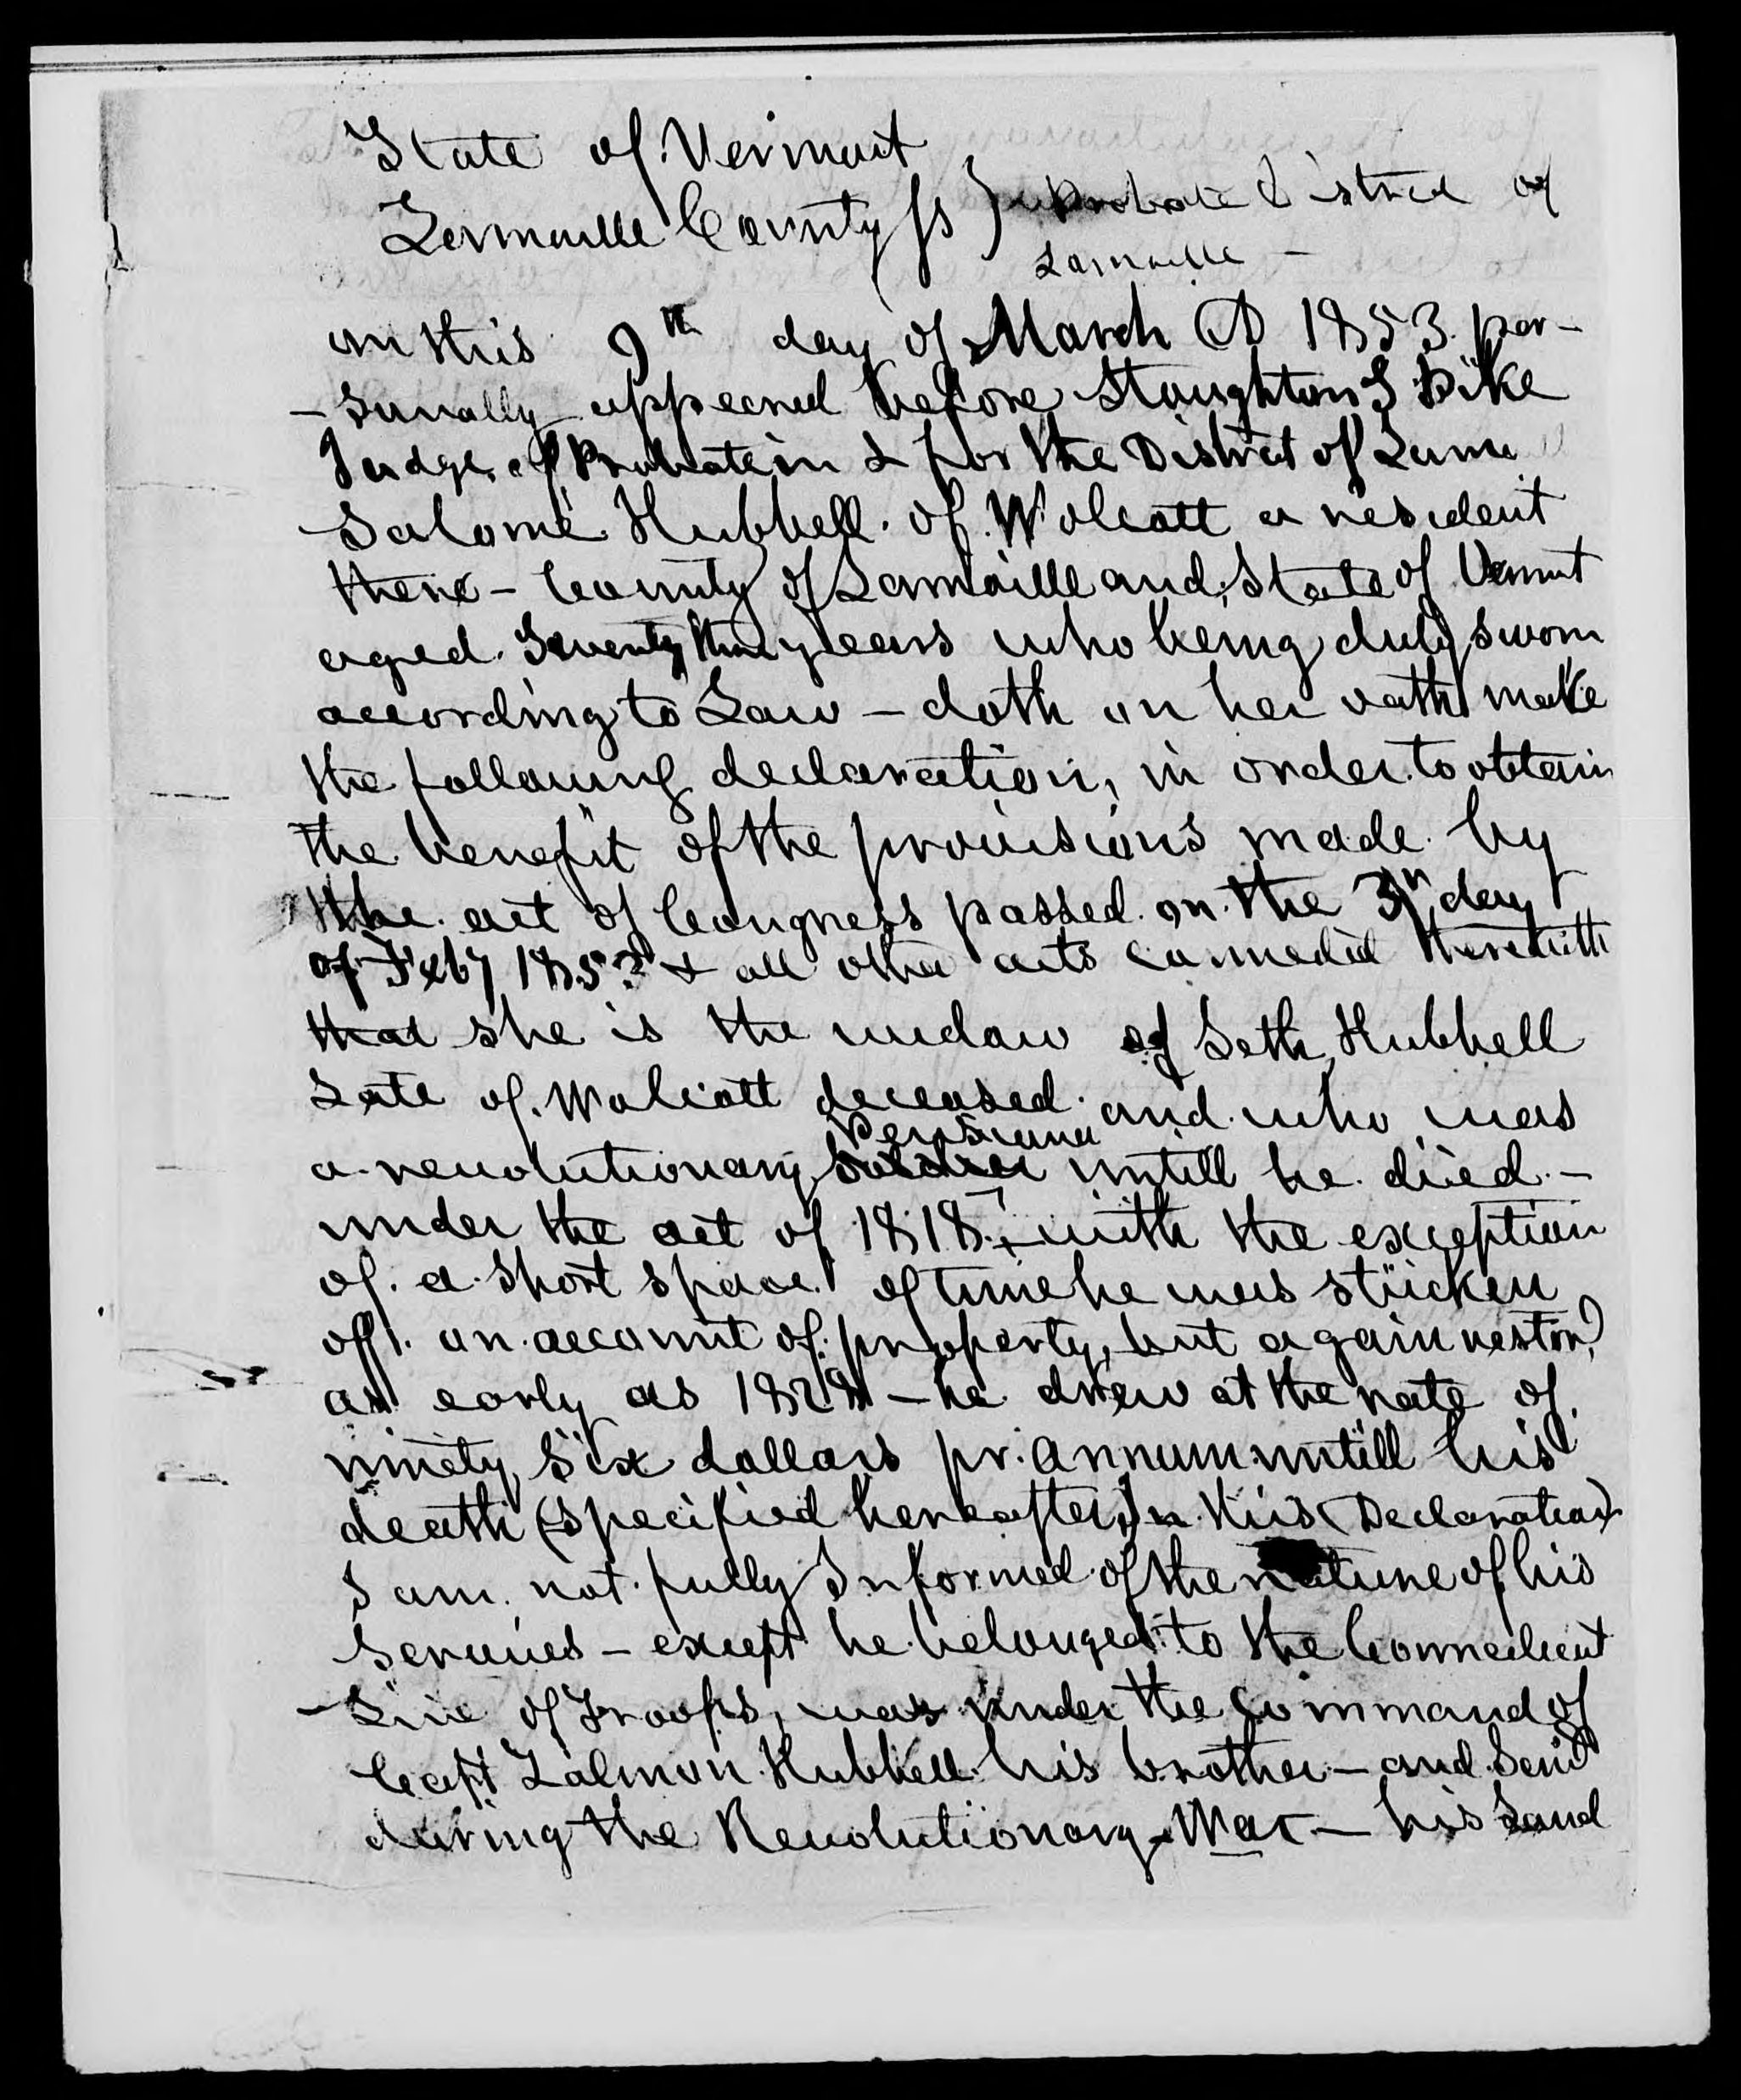State of Vermont
Lamoille County (vertical squiggle line) probate district of Lamoille

On this 9th day of March of 1853 personally appeared before Staughton L Pike Judge of Probate in and for the District of Lamoille Salome Hubble of Walcott a resident there - county of Lamoille and State of Vermont aged Seventy Nine years who being duly sworn according to law - doth on her oath make the following declaration in order to obtain the benefit of the provisions made by the act of Congress passed on the 3rd day of July 1853 and all other acts (not legible word) Herewith that she is the widow of Seth Hubbell late of Walcott deceased and who was a revolutionary soldier [crossed out] pensioner untill he died under the act of 1818 with the exception of a short space of time he was stricken off an account of property, but again restored as early as 1828 - he drew at the rate of ninety six dollars per annum untill his death (specified hereafter) in this (Declaration). I am not fully informed of the nature of his services-except he belonged to the Commedient line of troops, was under the command of Capt Lalmun Hubbell his brother and Served during the Revolutionary War - his land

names: Salome Hubbell, Seth Hubbell, Stoughton S Pike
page: 16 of 114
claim: widow's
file: W. 2115, Seth Hubbell, Conn.